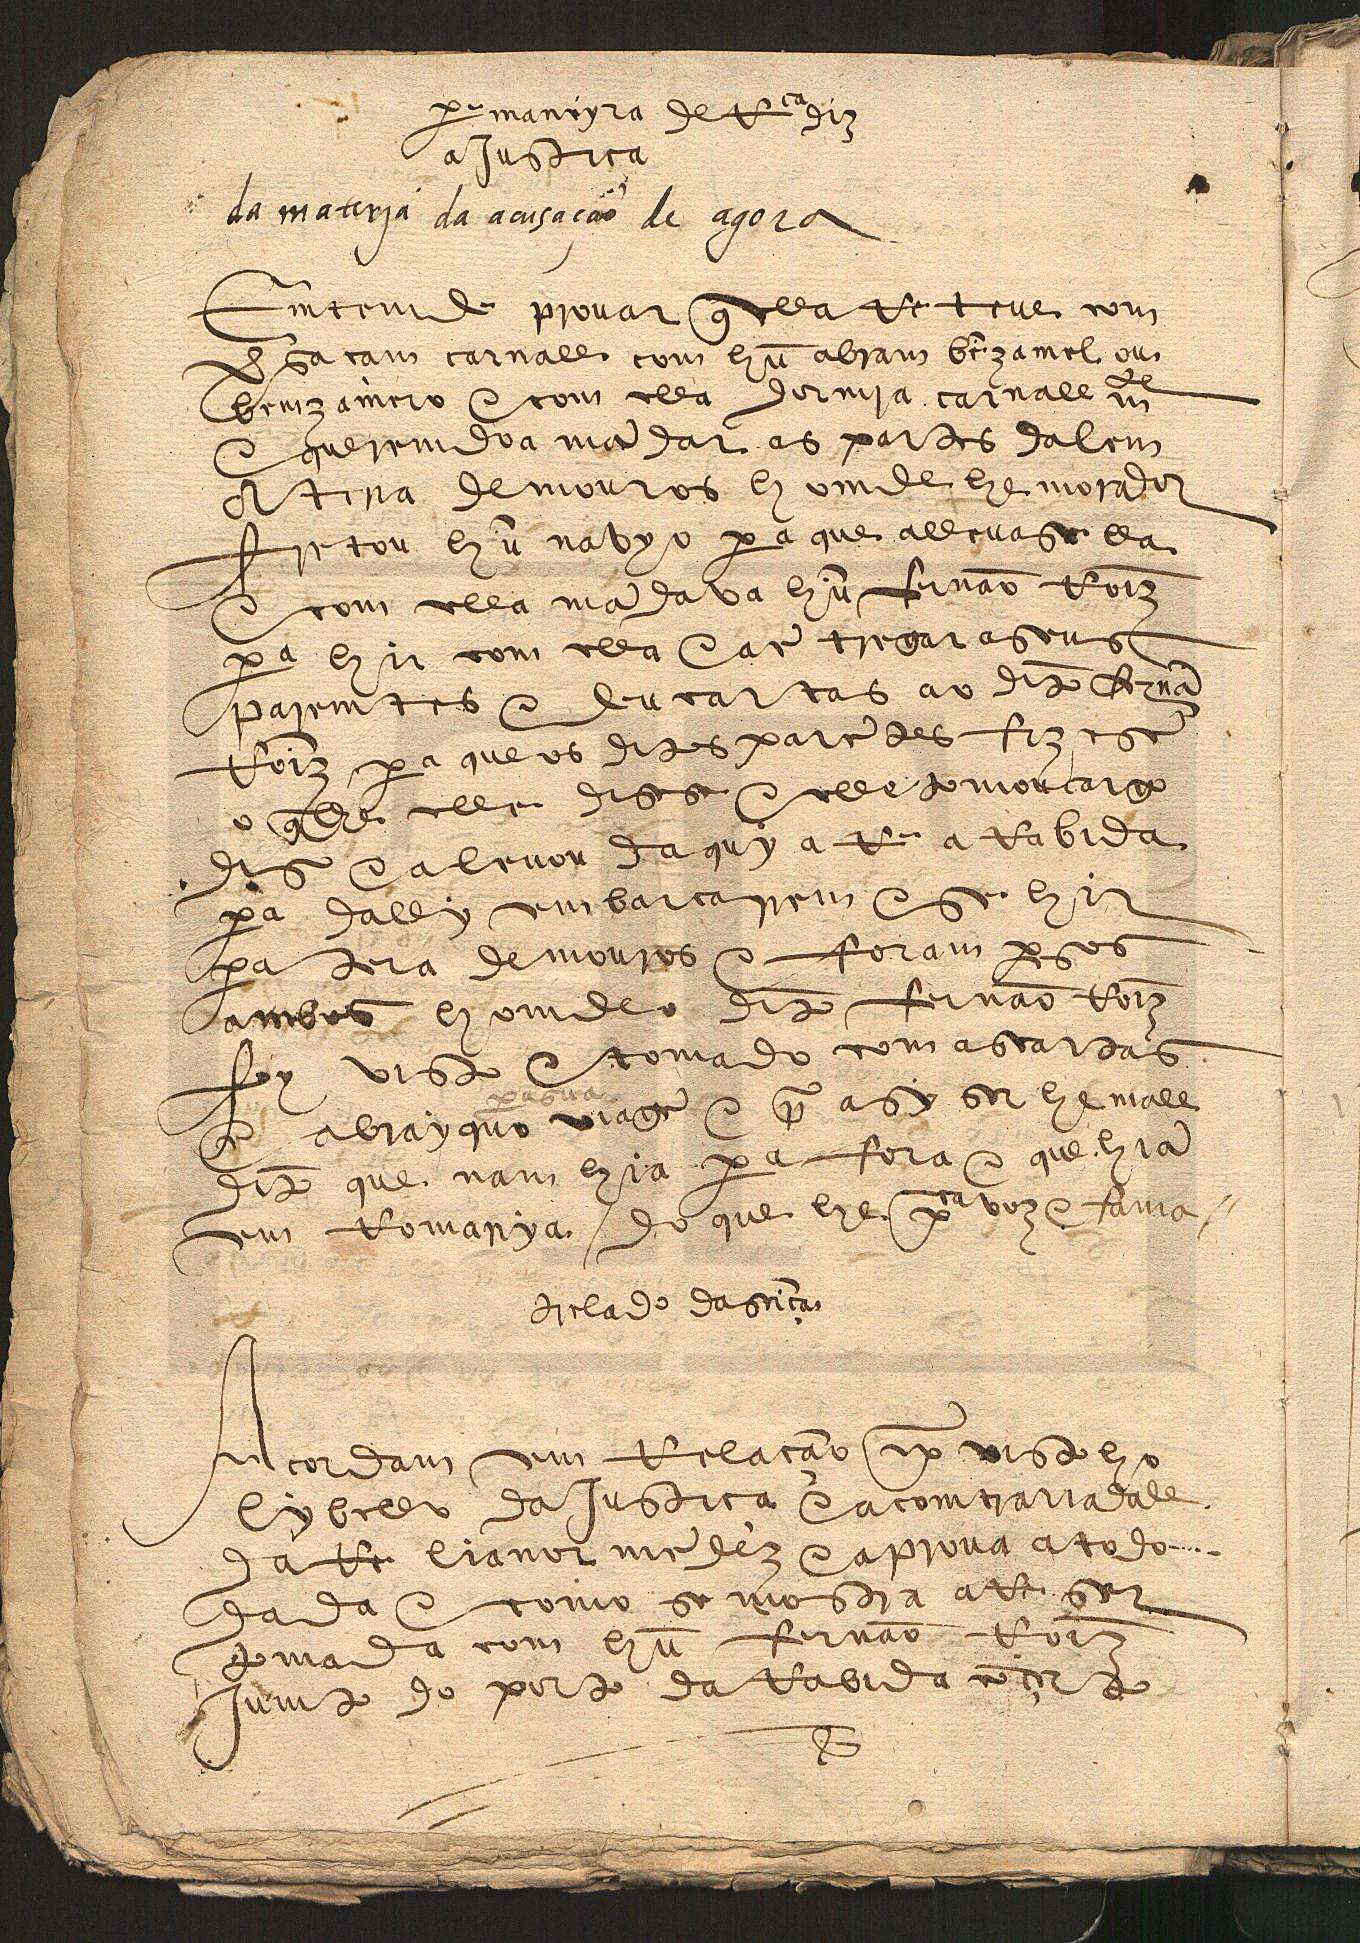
ꝑe maneyra de Rca diz
a Justiça
da materja da acusaçaõ de agora
Emtemde prouar q̄ ella Re teue com
ꝟsaçam carnall com hū abram bēzamel ou
bemzamero e com ella dormja carnallmte
e queremdoa mādar as partes dalem
A terra de mouros homde he morador
fretou hū navyo ꝑa que a lleuase lla
e com ella mādava hū fernão Rōiz
ꝑa hir com ella e a ētregar a seus
paremtes e deu cartas ao dito fernā
Roīz ꝑa que os dito parētes fizesē
o q̄ lhe elle disese e elle tomou cargo
diso e a leuou daquy a Re a Rabida
ꝑa dally embarcarrem e se hir
ꝑa tera de mouros e foram ꝑesos
ambos homde o dito fernão Roīz
foy visto e tomado com as cartas
ē abrayquo ꝑ a sua viagē e p̄o asy ser he mall
dito que nam hia ꝑa fora e que hiā
em Romarrya / do que he pca voz e fama //
trelado da snç̄a
Acordam em Relação c̄ꝭ visto ho
lybello da Justiça e a comtrariadade
da Re lianor mēdez e a proua a todo
dada e como se mostra a Re ser
tomada com hū fernão Roīz
Jumto do porto da Rabida c̄o çerto
